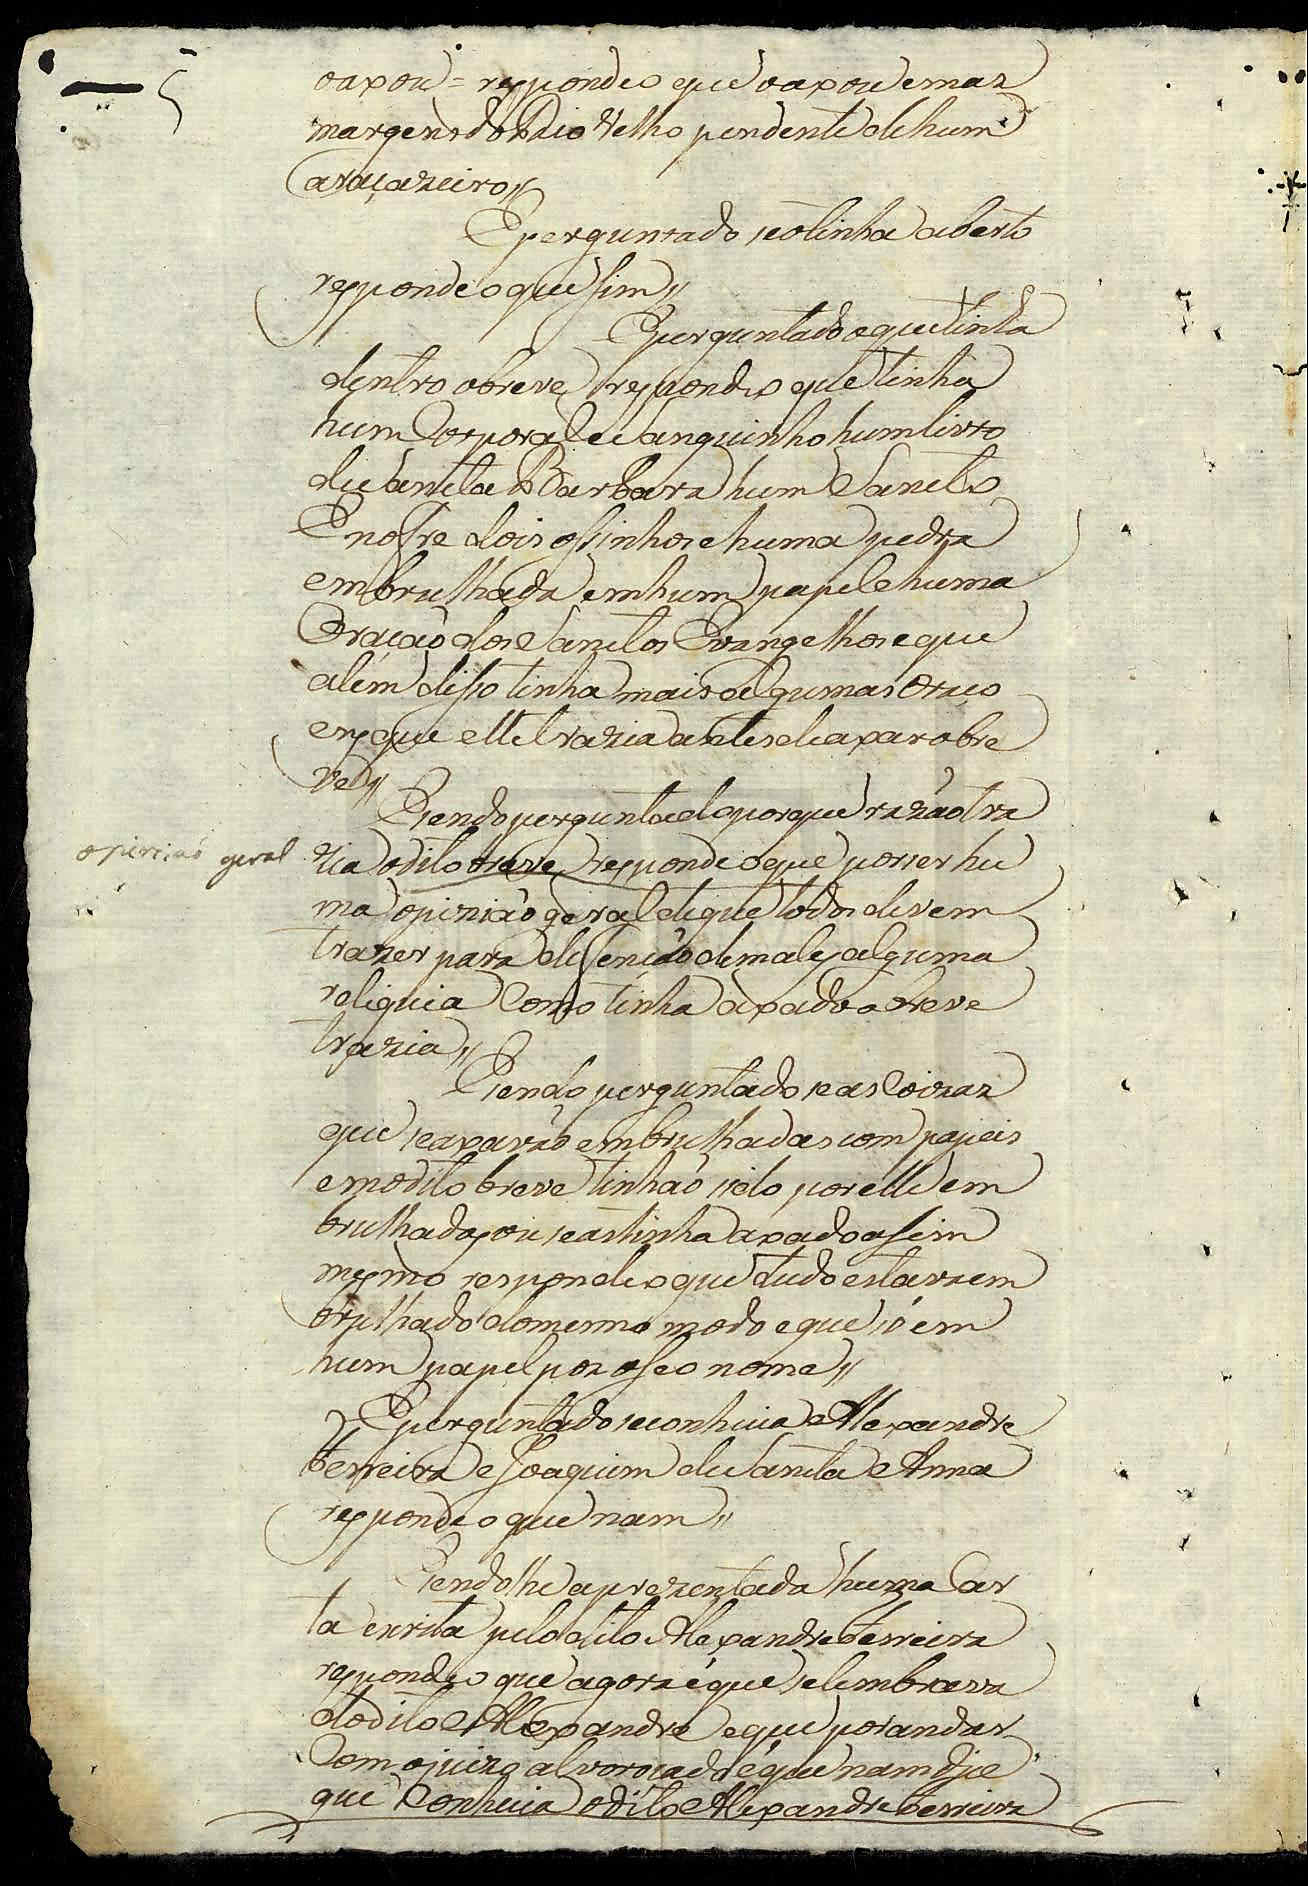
opiniaõ geral
o axou = respondeo que o axou em as
margens do Rio Velho pendente de hum
araçazeiro//
E perguntado se o tinha aberto
respondeo que sim//
E perguntado o que tinha
dentro o breve respondeo que tinha
hum Corporal e Sanguinho hum livro
de Sancta Barbara hum Sancto
Enofre dois ossinhos e huma pedra
embrulhada em hum papel e huma
Oraçao dos Sanctos Evangelhos, e que
alem disso tinha mais algumas oraço
ens que elle trazia antes de axar o bre
ve//
E sendo perguntado porque razaõ tra
zia o dito breve Respondeo que por ser hu
ma opiniaõ geral de que todos devem
trazer para defençaõ de males alguma
reliquia Como tinha axado o breve
trazia//
E sendo perguntado se as coizaz
que se axavaõ embrulhadas com papeis
em o dito breve tinhaõ sido por elle em
brulhadas ou se as tinha axado asim
mesmo respondeo que tudo estava em
brulhado do mesmo modo e que só em
hum papel poz o seo nome//
E perguntado se conhecia Alexandre
Ferreira e Joaquim de Sancta Anna
respondeo que nam//
E sendolhe aprezentada huma Car
ta escrita pelo dito Alexandre Ferreira
respondeo que agora é que se lembrava
do dito Alexandre e que por andar
Com o juizo alvoroçado é que nam dice
que Conhecia o dito Alexandre Ferreira
